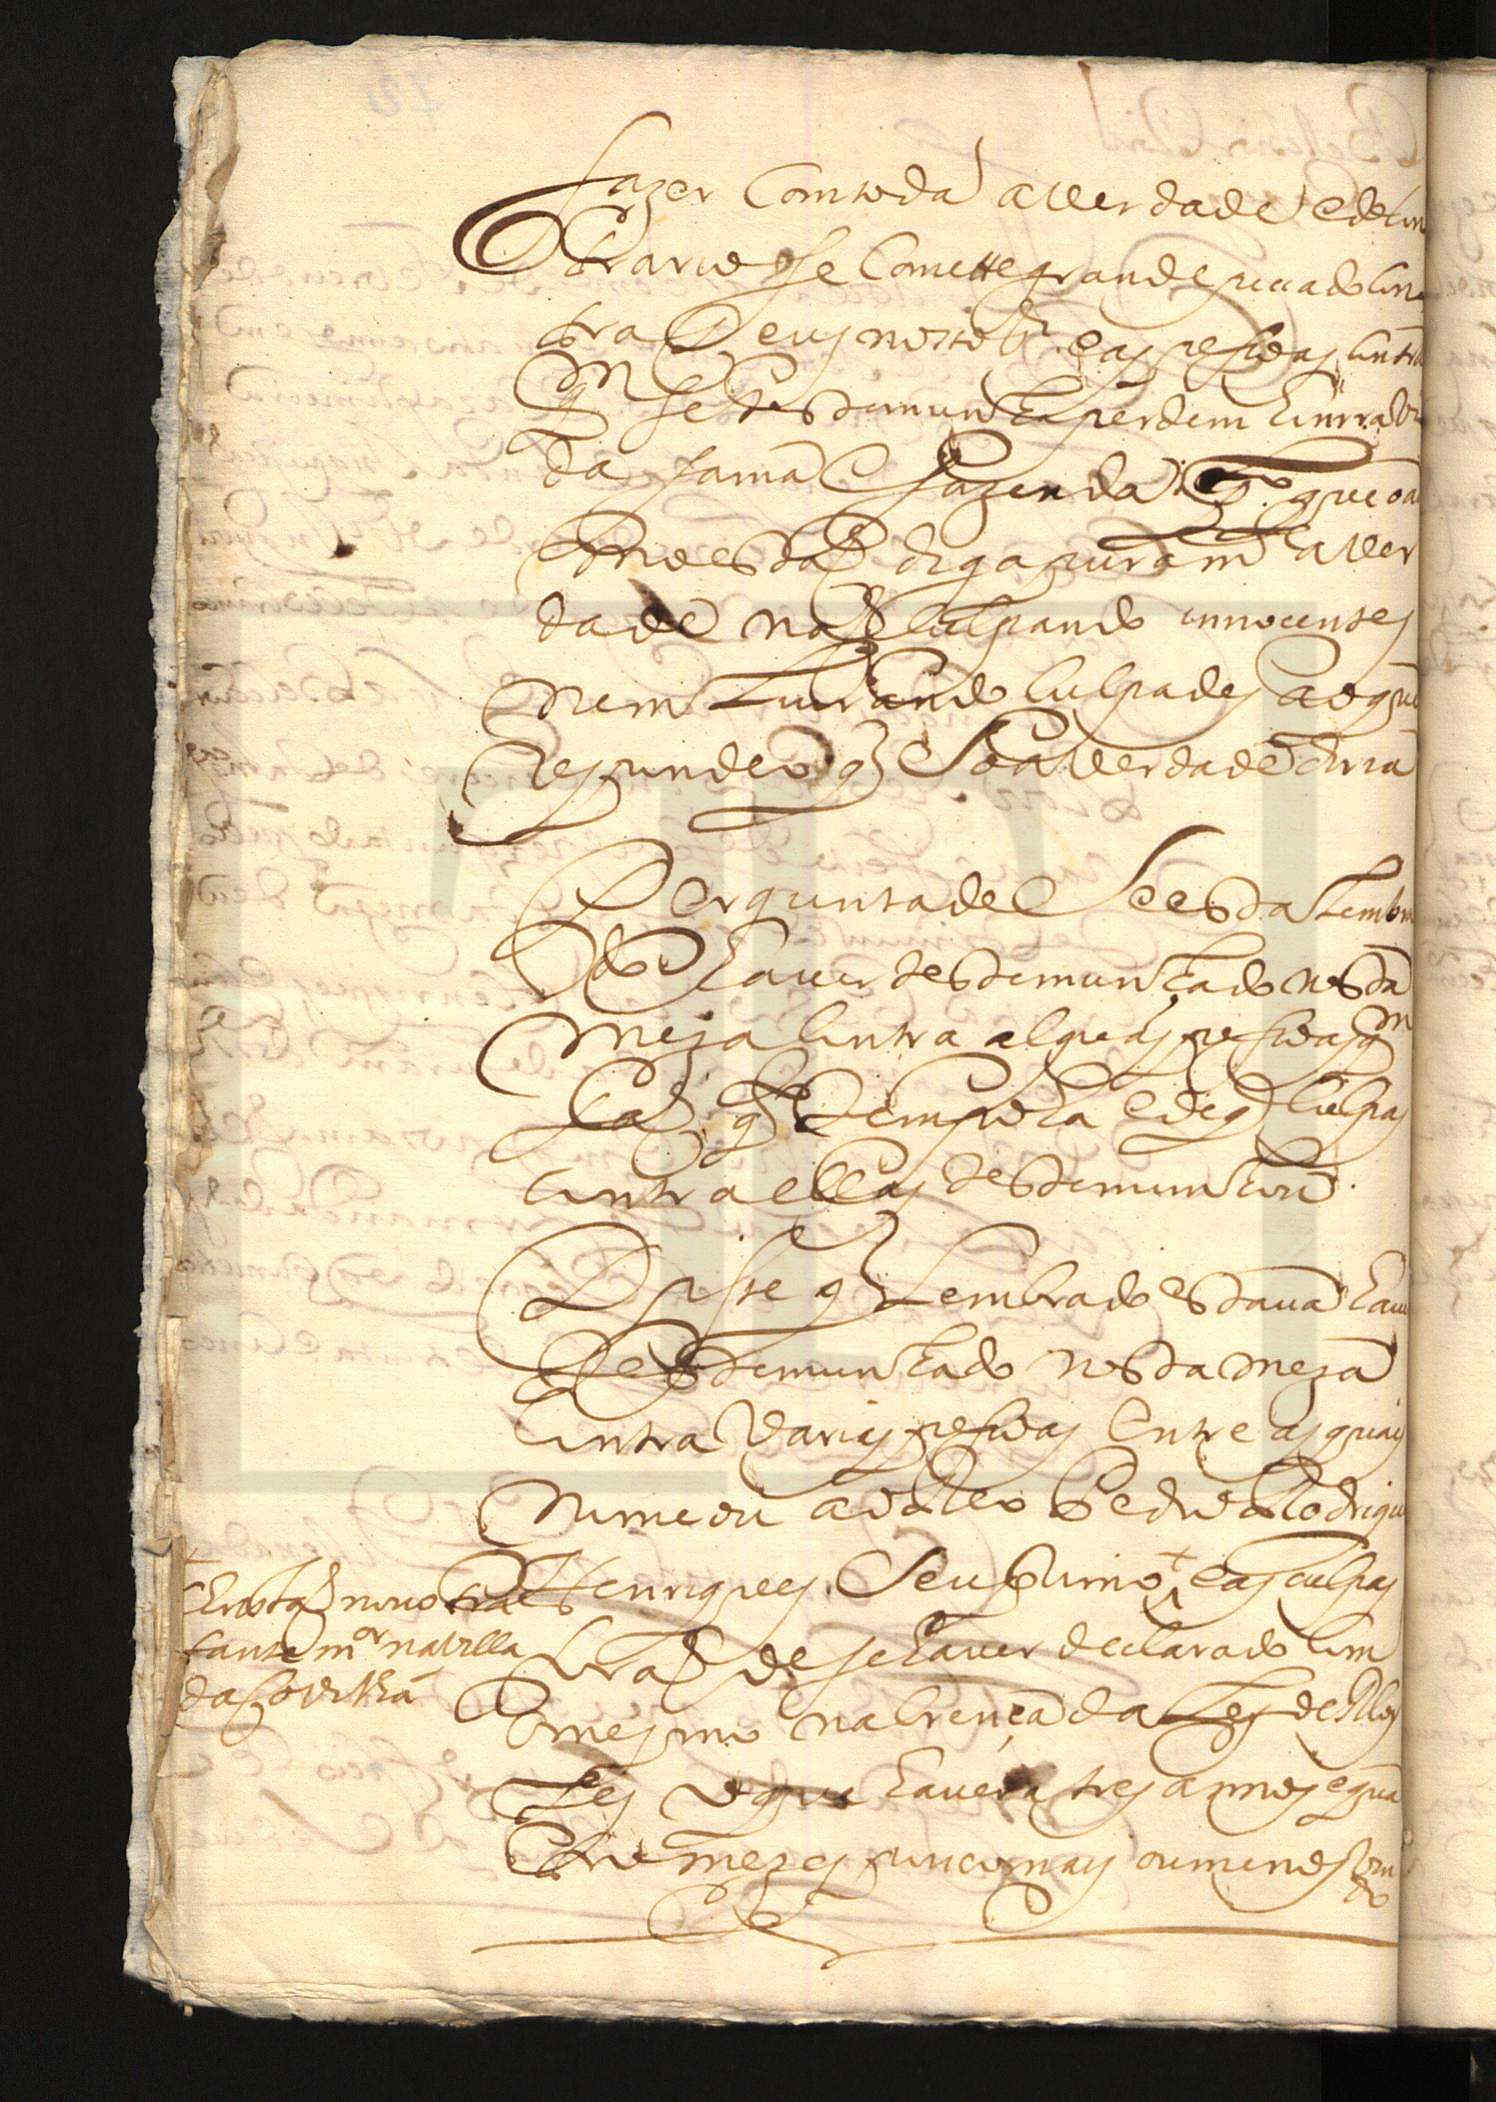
fazer Com toda a verdade e de Con
trario se Comette grande peccado Con
tra Deus nosso sor e as pessoas Contra
qm se testemunha perdem honrrados
da fama e fazenda p.lo que o a
moestaõ diga puram.te a ver
dade naõ culpando innocentes
nem Liurando Culpados ao que
Respondeo q̄ So a verdade diria
Perguntado Se esta Lembra
do hauer testemunhado nesta
meza Contra alguās pessoas qm
saõ qto tempo ha e de q̄ Culpas
contra ellas testemunhou.
Disse q̄ Lembrado estaua hau
testemunhado nesta meza
Contra varias pessoas Entre as quais
numeou ao Reo Pedro Rodrigu
Chistaõ nouo tra
Henriques Seu primo + e as culpas
tante mor na villa
foraõ de se hauer declarado Com
da Covilhã
o mesmo na Crença da Ley de Moy
Zes o que hauera tres annos e qua
tro mezes pouco mais ou menos vin
do
